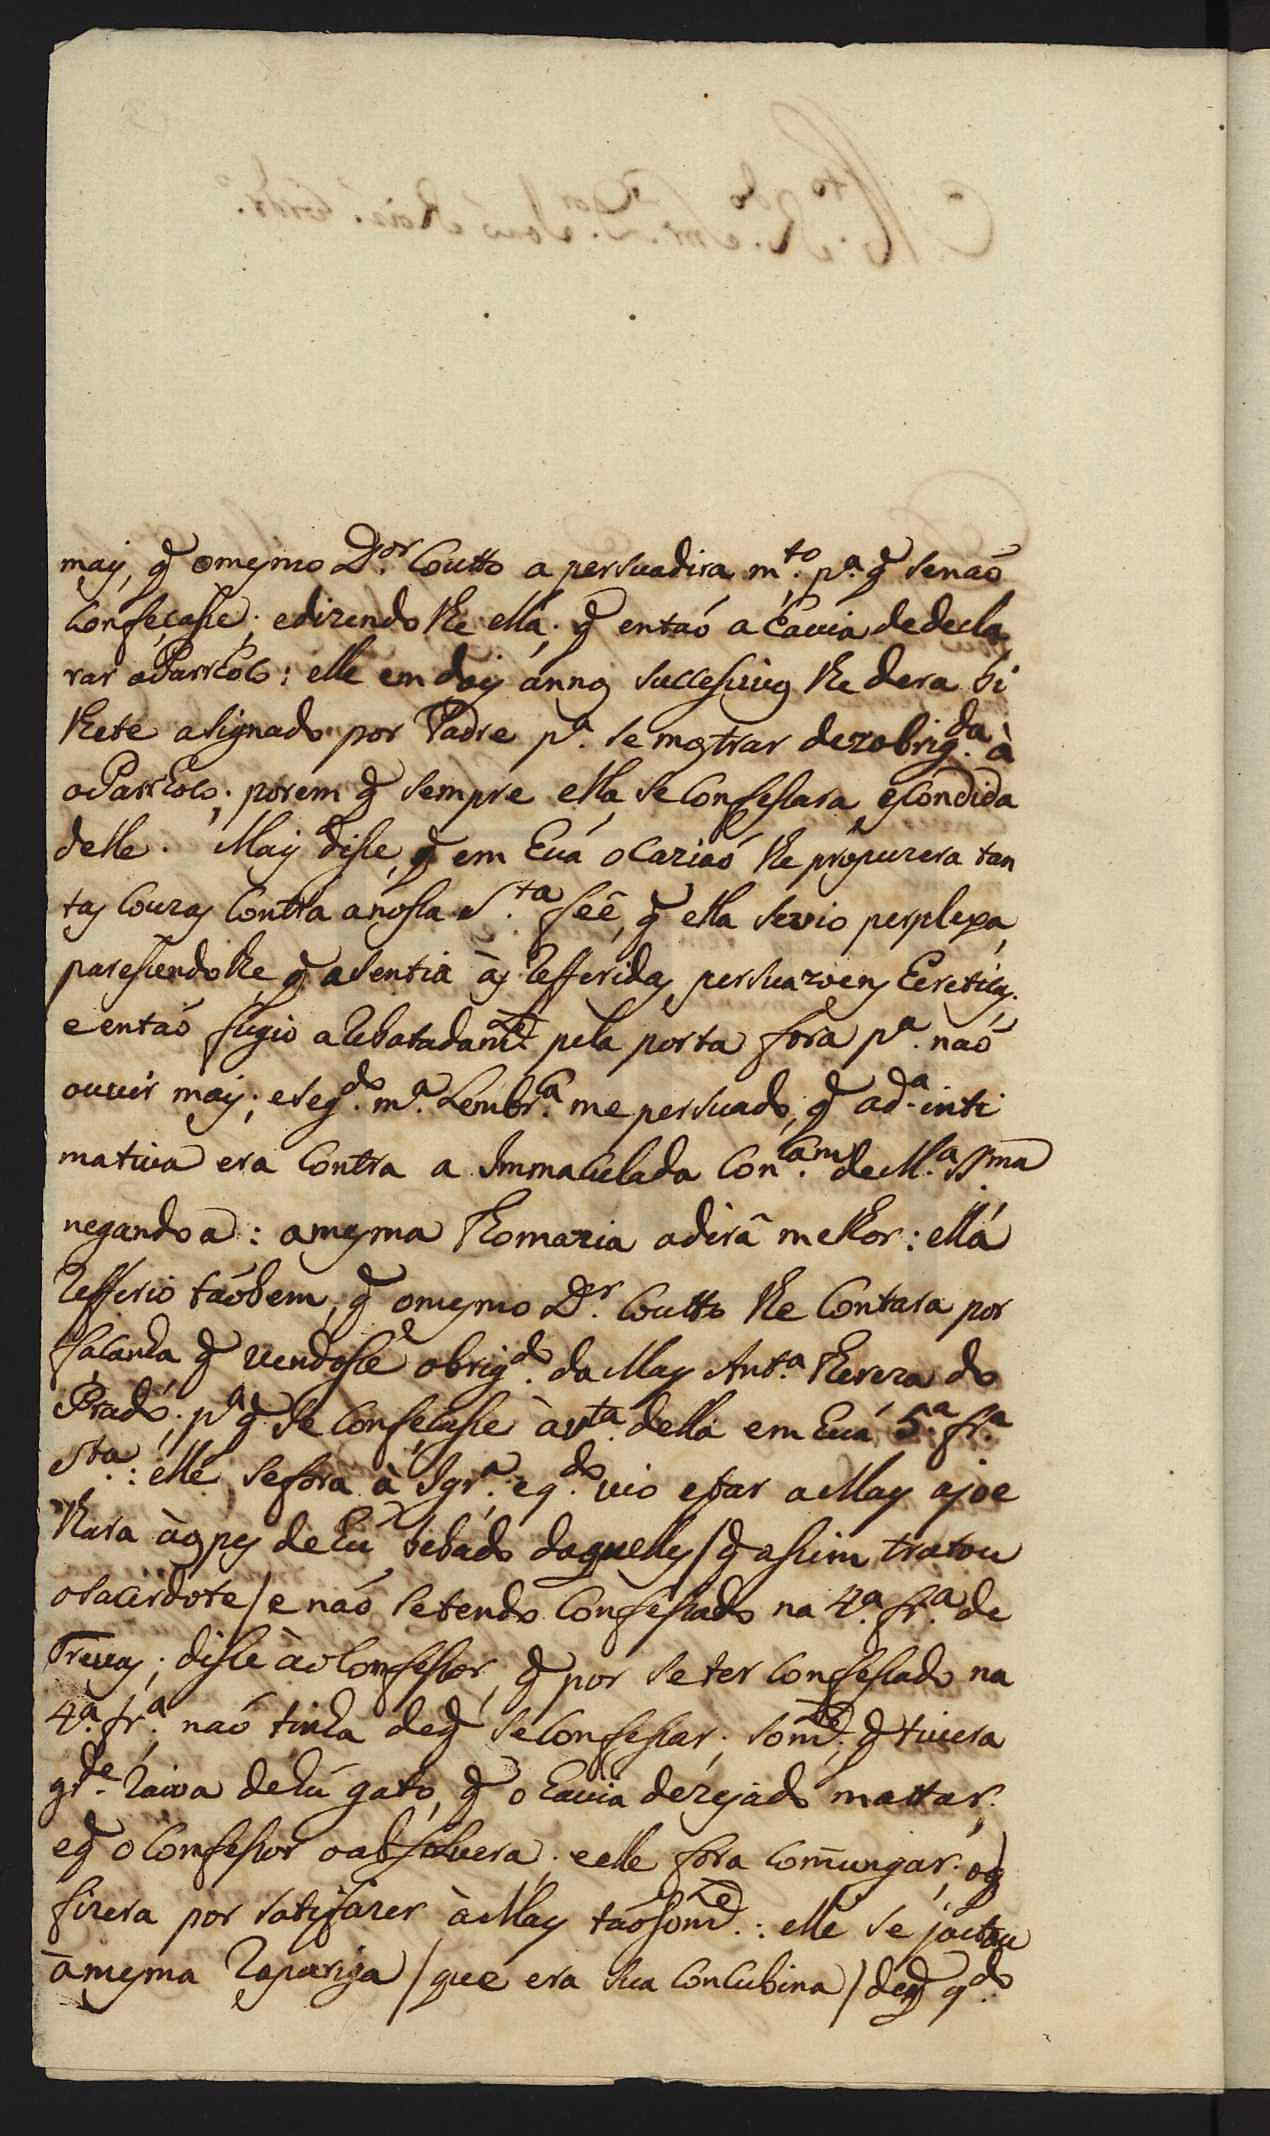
mais, q̄ o mesmo D.or Coutto a persuadira m.to, p.a q̄ senaõ
confeçasse; e dizendo lhe ella; q̄ entaõ a havia de decla
rar o Parrhoco: elle em dois annos successivos lhe dera bi
lhete asignado por Padre p.a se mostrar dezobrig.da à
o Parrhoco; porem q̄ sempre ella se confessara escondida
delle. Mais disse, q̄ em huā ocaziaõ lhe propuzera tan
tas couzas contra a nossa S.ta feé, q̄ ella se vio perplexa,
paressendolhe, q̄ asentia às Refferidas persuzaoens hereticas.
e entaõ fugio aRebatadamte pela porta fora p.a naõ
ouuir mais; e seg.do m.a Lembr.ca me persuado, q̄ a d.a inti
matiua era contra a Immaculada Con.cam de M.a ss.ma
negando a: a mesma Thomazia a dirá melhor: ellá
Refferio taõbem, q̄ o mesmo D.r Coutto lhe Contara por
façanha q̄ vendosse obrig.do da May Ant.a Thereza do
Prado; pa q̄ se confeçasse à v.ta della em huā 5.a fr.a
st.a: elle se fora à Igr.a; e q.do uio estar a May ajoe
lhara àos pes de hū bebado daquelles / q̄ assim tratou
o sacerdote / e naõ se tendo confessado na 4.a fr.a de
Treuas; disse ao Confessor, q̄ por se ter confessado na
4.a fr.a; naõ tinha de q̄ se confessar; som;te q̄ tiuera
gr.de Raiva de hū gato, q̄ o hauia dezejado mattar;
e q̄ o Comfessor o absoLuera; e elle fora com̄ungar; o q̄
fizera por satisfazer à May tãosom.te: elle se jactou
à mesma Rapariga / que era sua concubina / de q̄ q.do
